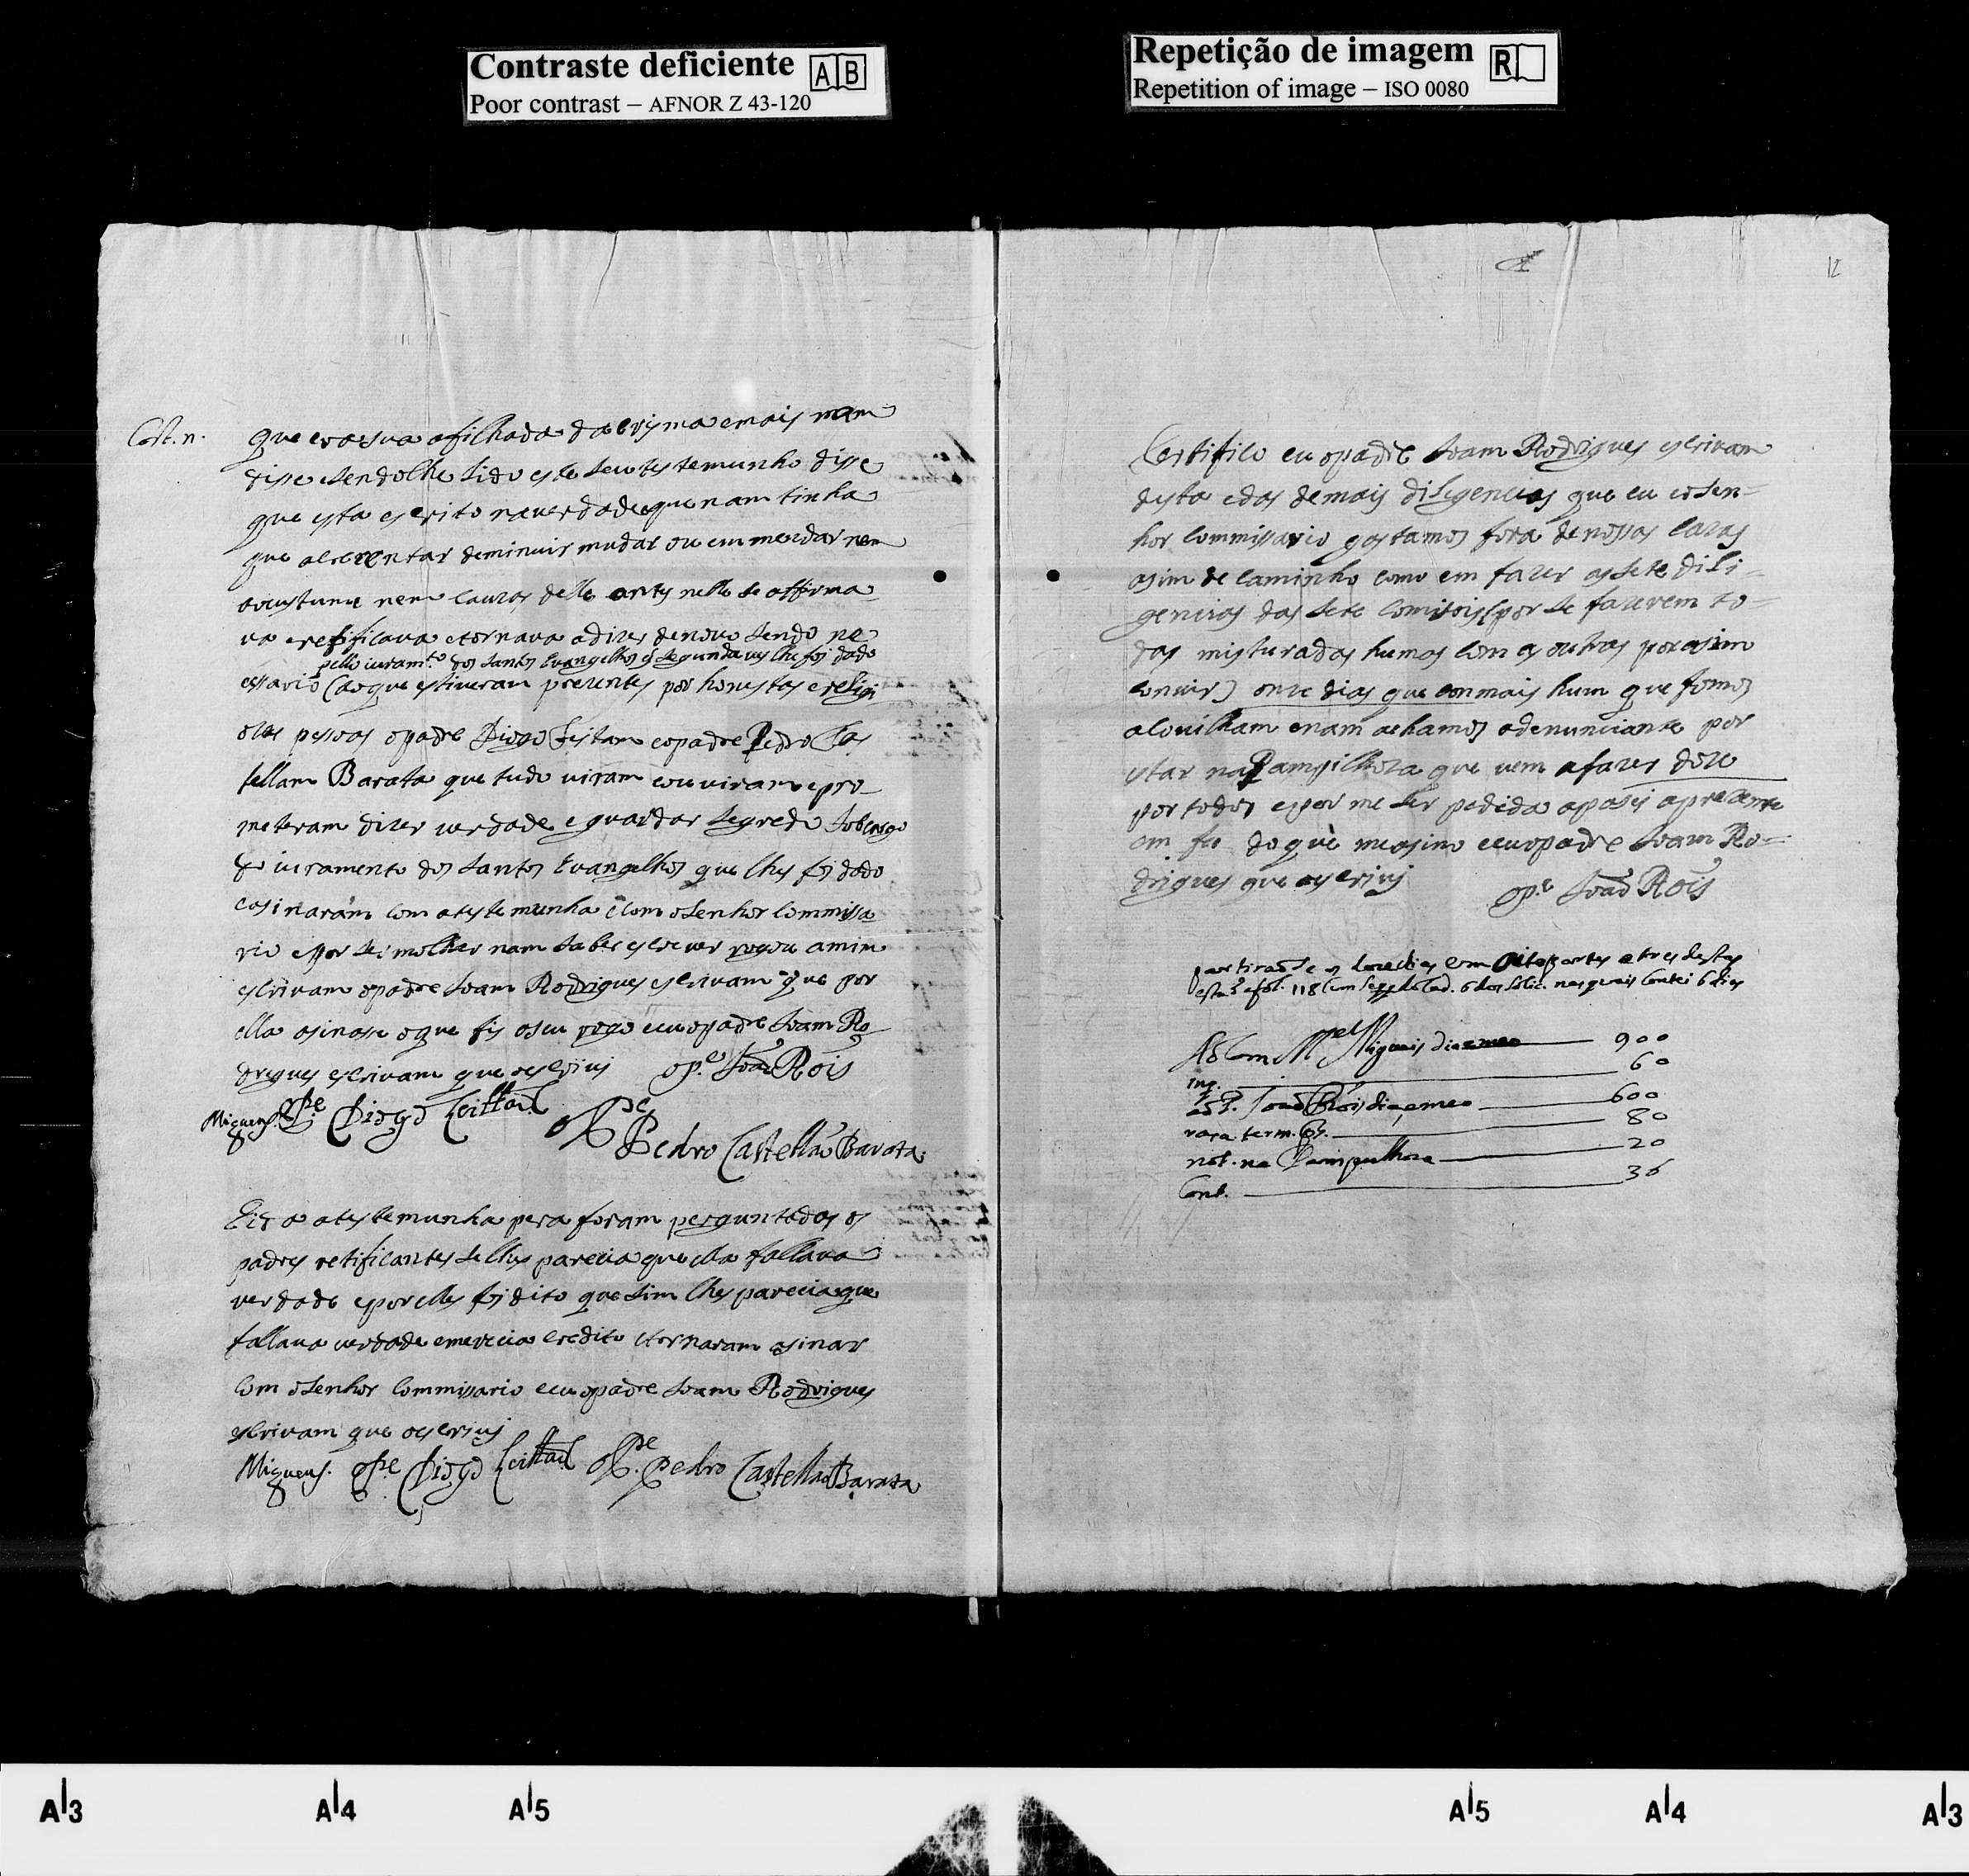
Cost. n.
que era sua afilhada da crisma e mais nam
disse sendolhe Lido este seu testemunho disse
que esta escrito na uerdade que nam tinha
que acrecentar deminuir mudar ou emmendar nem
ao custume nem cauzas delle antes nelle se affirma
ua e retificava e tornava a dizer de nouo sendo ne
pello iuram.to dos santos Euangelhos q̄ segunda ues lhe foi dado
cessario (ao que estiueram prezentes por honestas e religi
ozas pessoas o padre Diogo Leitam e o padre Pedro Cas
tellam Barata que tudo uiram e ouuiram e pro
meteram dizer uerdade e guardar segredo sob cargo
do iuramento dos santos Evangelhos que lhes foi dado
e asinaram com a testemunha e com o senhor commissa
rio e por ser molher nam saber escreuer rogou a mim
escrivam o padre Ioam Rodrigues escrivam que por
ella asinasse o que fis a seu rogo e eu o padre Ioam Ro
drigues escrivam que o escriuj o p.e Ioaõ Rois̄
Miguens o P.e Diogo Leittaõ
o P.e Pedro Castellaõ Barata
E ida a testemunha pera foram perguntados os
padres retificantes se lhes parecia que ella fallava
verdade e por elles foi dito que sim lhes parecia que
fallaua uerdade e merecia credito e tornaram asinar
com o Senhor Commissario e eu o padre Ioam Rodrigues
escrivam que o escriuj
Miguens. o P.e Diogo Leittaõ o P.e pedro Castellaõ Barata
Certifico eu o padre Ioam Rodrigues escrivam
desta e das demais diligencias que eu e o sen
hor commissario gastamos fora de nossas cazas
asim de caminho como em fazer as sete dili
gencias das sete comisois (por se fazerem to
das misturadas humas com as outras por asim
conuir) onze dias que con mais hum que fomos
a Couilham e nam achamos a denunciante por
estar na Pampilhoza que uem a fazer doze
por todos e por me ser pedida a pasei a prezemte
em fee do que me asino e eu o padre Ioam Ro
drigues que o escriuj
o p.e Ioaõ Rois̄
partiraõse os doze dias em oito partes e tres destas
estaõ a fol. 118 Comseqq do Cad. 6 dos solic. nas quais Contei 6 dias
900
Ao Com Mel Migueis dia e meo
60
inq.
600
ao P. joaõ Roīs dia, e meo
80
rasa. term. p̄.
20
not. na Pampilhoza
36
Cont.
